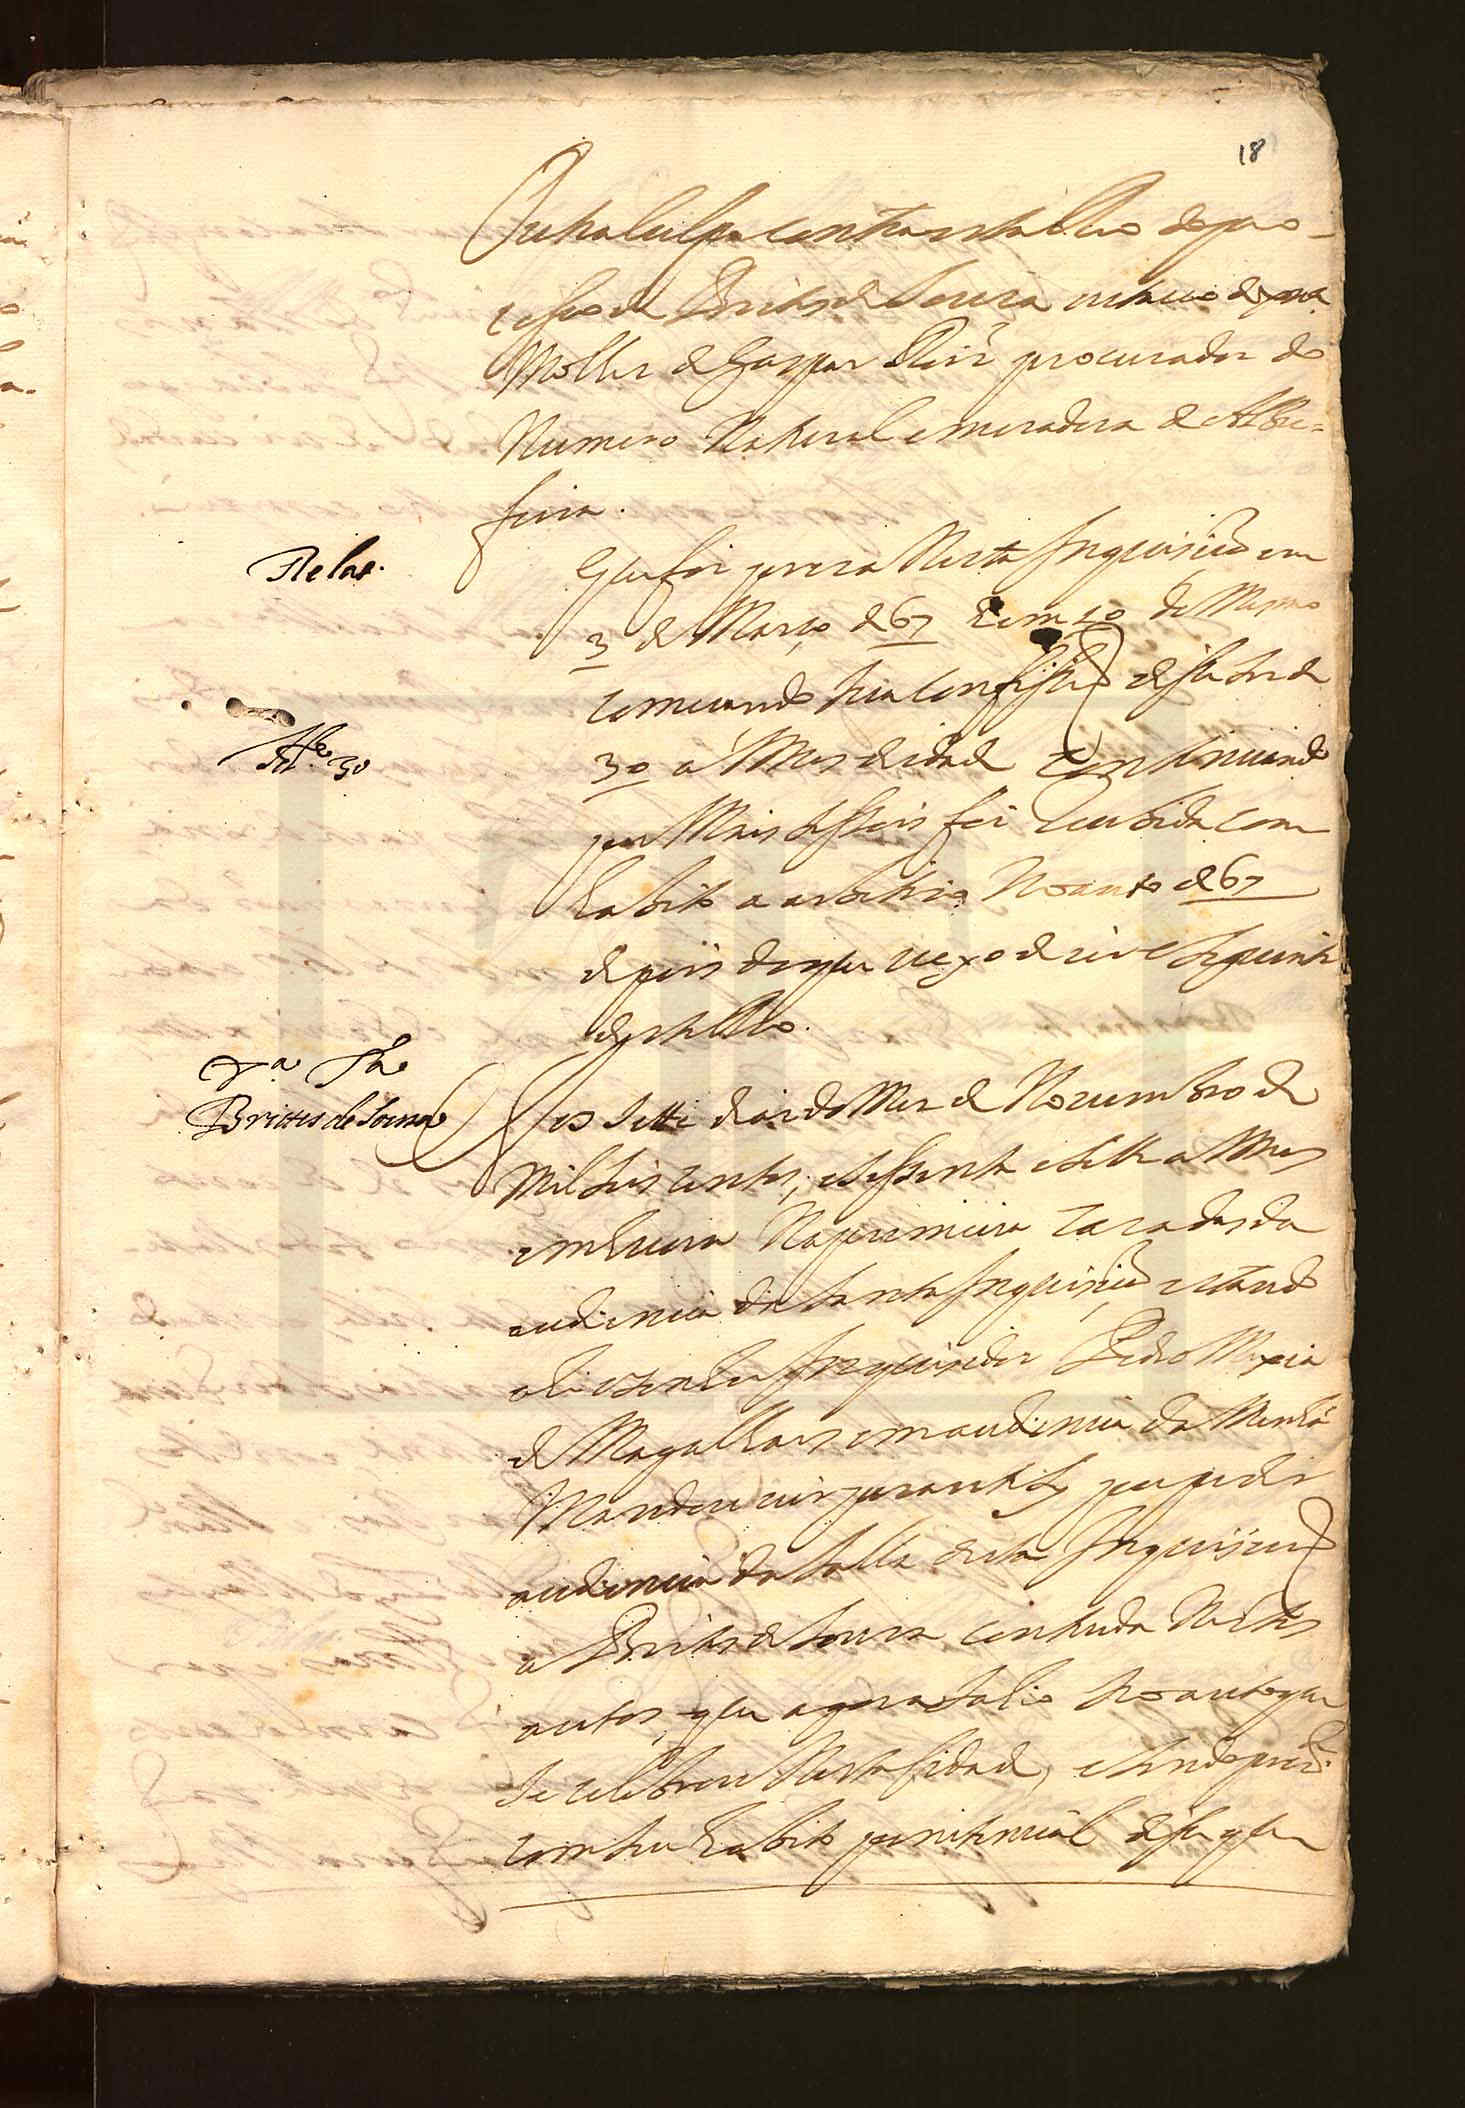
Outra Culpa contra este Reo do pro
cesso de Brites de Souza outauo de xn.a
Molher de Gaspar Roiz̄ procurador do
Numero Natural e moradora de Albu
feira.
Que foi preza Nesta Jnquisiçaõ em
Relat.
3 de Março de 67 E em 10 do Mesmo
começando sua confissaõ disse ser de
30 aNNos de idade continuando
Id.e 30
por Mais sessois foi recebida com
habito a arbitrio No auto de 67
depois do que ueyo dizer o Seguinte
deste Reo.
8.a Ta
Brittes de Sousa
Aos sette diaz do Mez de Nouembro de
Mil seiscentos; e sessenta e sette aNNos
em Euora Na primeira caza das da
audiencia da santa Jnquisiçaõ estando
ali o Senhor Jnquisidor Pedro Mexia
de Magalhaes em audiencia da Menhã
Mandou uir perante sy por pedir
audiencia da salla desta Jnquisiçaõ
a Brites de Souza conteuda Nestes
autos, que agora Sahio No auto que
Se celebrou Nesta Cidade, estando prez.te
Com Seu habito penitencial disse que
